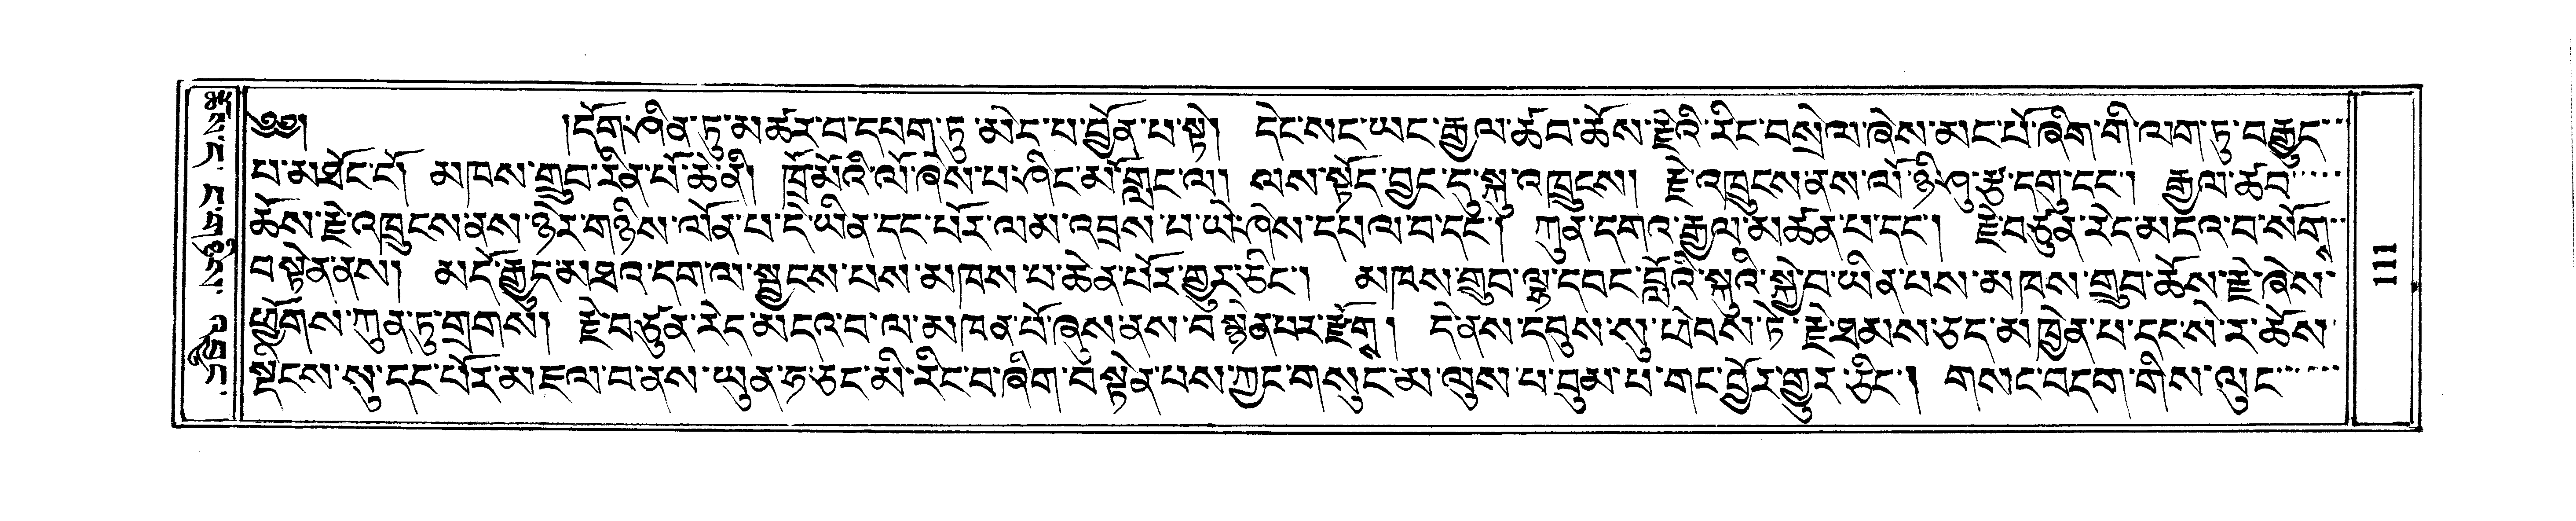༄༅། །དོག་ཤིན་ཏུ་མཚར་བ་དཔག་ཏུ་མེད་པ་བྱོན་པ་སྟེ། དེང་སང་ཡང་རྒྱལ་ཚབ་ཆོས་རྗེའི་རིང་བསྲེལ་ཞེས་མང་པོ་ཞིག་གི་ལག་ཏུ་བརྒྱུད་
པ་མཐོང་ངོ། མཁས་གྲུབ་རིན་པོ་ཆེ་ནི། ཁྲོ་མོའི་ལོ་ཞེས་པ་ཤིང་མོ་གླང་ལ། ལས་སྟོད་བྱང་དུ་སྐུ་འཁྲུངས། རྗེ་འཁྲུངས་ནས་ལོ་ཉི་ཤུ་རྩ་དགུ་དང་། རྒྱལ་ཚབ་
ཆོས་རྗེ་འཁྲུངས་ནས་ཉེར་གཉིས་ལོན་པ་དེ་ཡིན་དང་པོར་ལམ་འབྲས་པ་ཡེ་ཤེས་དཔལ་བ་དང་། ཀུན་དགའ་རྒྱལ་མཚན་པ་དང་། རྗེ་བཙུན་རེད་མདའ་བ་སོགས་
བསྟེན་ནས། མདོ་རྒྱུད་མཐའ་དག་ལ་སྦྱངས་པས་མཁས་པ་ཆེན་པོར་གྱུར་ཅིང་། མཁས་གྲུབ་ལྷ་དབང་བློའི་སྐུའི་སྐྱེ་བ་ཡིན་པས་མཁས་གྲུབ་ཆོས་རྗེ་ཞེས་
ཕྱོགས་ཀུན་ཏུ་གྲགས། རྗེ་བཙུན་རེད་མདའ་བ་ལ་མཁན་པོ་ཞུས་ནས་བསྙེན་པར་རྫོགས། དེ་ནས་དབུས་སུ་ཕེབས་ཏེ་རྗེ་ཐམས་ཅད་མཁྱེན་པ་དང་སེ་ར་ཆོས་
སྡིངས་སུ་དང་པོར་མཇལ་བ་ནས་ཡུན་ཧ་ཅང་མི་རིང་བ་ཞིག་བསྟེན་པས་ཀྱང་གསུང་མ་ལུས་པ་བུམ་པ་གང་བྱོར་གྱུར་ཅིང་། གསང་བདག་གིས་ལུང་